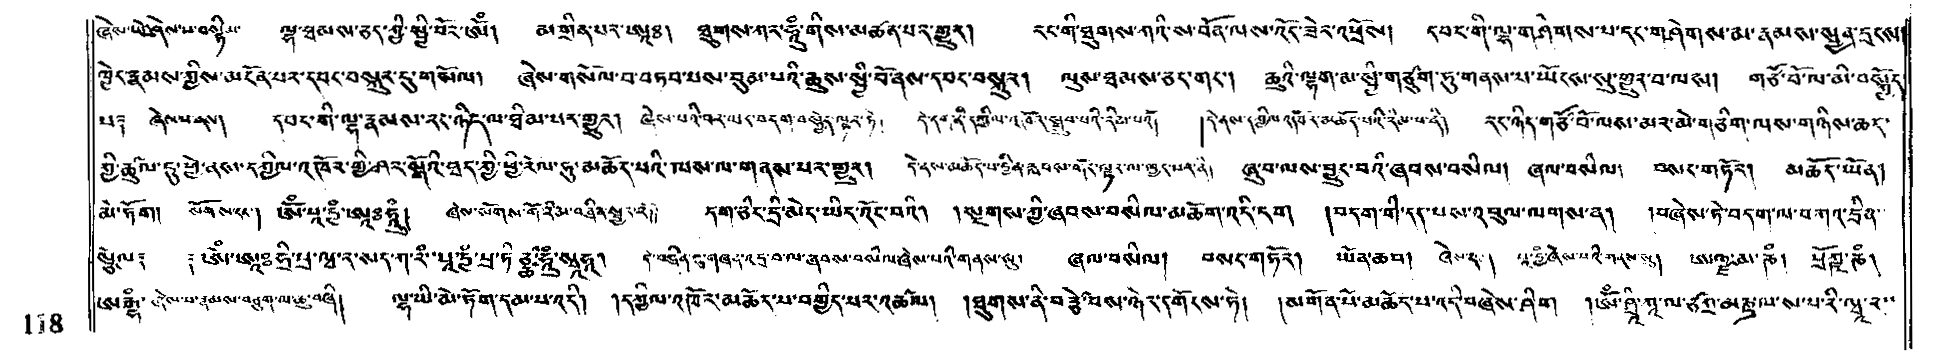ཞེས་ཡེ་ཤེས་པ་བསྟིམ་ལྷ་ཐམས་ཅད་ཀྱི་སྤྱི་བོར་ཨོཾ། མགྲིན་པར་ཨཱཿ། ཐུགས་ཀར་ཧཱུཾ་གིས་མཚན་པར་གྱུར། རང་གི་ཐུགས་ཀའི་ས་བོན་ལས་འོད་ཟེར་འཕྲོས། དབང་གི་ལྷ་གཤེགས་པ་དང་གཤེགས་མ་རྣམས་སྤྱན་དྲངས་
ཁྱེད་རྣམས་ཀྱིས་མངོན་པར་དབང་བསྐུར་དུ་གསོལ། ཞེས་གསོལ་བ་བཏབ་པས་བུམ་པའི་ཆུས་སྤྱི་བོ་ནས་དབང་བསྐུར། ལུས་ཐམས་ཅད་གང་། ཆུའི་ལྷག་མ་སྤྱི་གཙུག་ཏུ་གནས་པ་ཡོངས་སུ་གྱུར་བ་ལས། གཙོ་བོ་ལ་མི་བསྐྱོད་
པ༑ ཞེས་པ་ནས།  དབང་གི་ལྷ་རྣམས་རང་ཉིད་ལ་ཐིམ་པར་གྱུར། ཞེས་པའི་བར་ཡང་བདག་བསྐྱེད་ལྟར་ཏེ། དེ་དག་ནི་དཀྱིལ་འཁོར་སྒྲུབ་པའི་རིམ་པའོ། །དེ་ནས་དཀྱིལ་འཁོར་མཆོད་པའི་རིམ་པ་ནི།  རང་ཉིད་གཙོ་བོ་ལས་མར་མེ་གཅིག་ལས་གཉིས་ཆད་
ཀྱི་ཚུལ་དུ་ཕྱེ་ནས་དཀྱིལ་འཁོར་གྱི་ཤར་སྒོའི་ཐད་ཀྱི་ཕྱི་རོལ་དུ་མཆོད་པའི་ལས་ལ་གནས་པར་གྱུར། དེ་ལས་མཆོད་པ་བྱིན་རླབས་གོང་ལྟར་ལ་ཁྱད་པར་ནི།  ཞུ་བ་ལས་བྱུང་བའི་ཞབས་བསིལ། ཞལ་བསིལ། བསང་གཏོར། མཆོད་ཡོན།
མེ་ཏོག། སོགས་དང་།  ཨོཾ་པཱ་དྱཾ་ཨཱཿ ཧཱུཾ། ཞེས་སོགས་གོ་རིམ་བཞིན་སྦྱར་རོ།།  དག་ཅིང་དྲི་མེད་ཡིད་འོང་བའི། །སྔགས་ཀྱི་ཞབས་བསིལ་མཆོག་འདི་དག །བདག་གི་དད་པས་འབུལ་ལགས་ན། །བཞེས་ཏེ་བདག་ལ་བཀའ་དྲིན་
སྩལ༑ ༑ཨོཾ་ཨཱཿ ཧྲི་པྲ་ལྭ་ར་ས་ད་ཀ་རཾ་པཱ་དྱཾ་པྲ་ཏི་ཙྪ་ཧཱུཾ་སྭཱ་ཧཱ། དེ་བཞིན་དུ་གཞན་འདྲ་བ་ལ་ཞབས་བསིལ་ཞེས་པའི་གནས་སུ།  ཞལ་བསིལ། བསང་གཏོར། ཡོན་ཆད། ཞེས་དང་། པཱ་དྱཾ་ཞེས་པའི་གནས་སུ།  ཨཉྫ་མ་ཎཾ། པྲོཀྵ་ཎཾ།
ཨརྒྷཾ་ཞེས་པ་རྣམས་བཅུག་ལ་ཆུ་བཞི།  ལྷ་ཡི་མེ་ཏོག་དམ་པ་འདི། །དཀྱིལ་འཁོར་མཆོད་པ་བགྱིད་པར་འཚལ། །ཐུགས་ནི་བརྩེ་བས་ཉེར་དགོངས་ཏེ། །མགོན་པོ་མཆོད་པ་འདི་བཞེས་ཤིག །ཨོཾ་ཤྲཱི་ཀཱ་ལ་ཙཀྲ་མཎྜལ་ས་པ་རི་ཝཱ་ར་